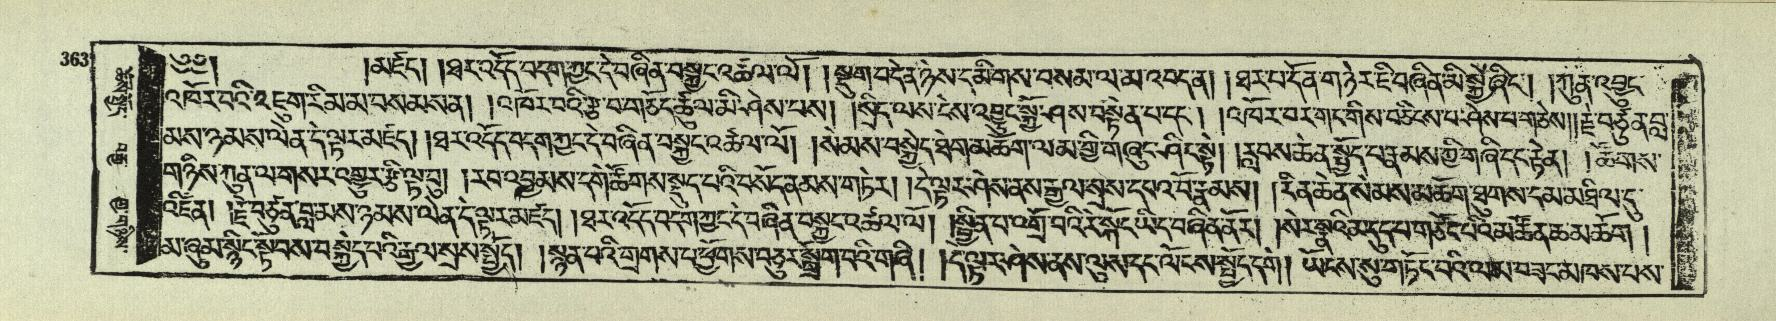༄༅། །མཛད། །ཐར་འདོད་བདག་ཀྱང་དེ་བཞིན་བསྐྱང་འཚལ་ལོ། །སྡུག་བདེན་ཉེས་དམིགས་བསམ་ལ་མ་འབད་ན། །ཐར་པ་དོན་གཉེར་ཇི་བཞིན་མི་སྐྱེ་ཞིང་། །ཀུན་འབྱུང་
འཁོར་བའི་འཇུག་རིམ་མ་བསམས་ན། །འཁོར་བའི་རྩ་བ་གཅོད་ཚུལ་མི་ཤེས་པས། །སྲིད་ལས་ངེས་འབྱུང་སྐྱོ་ཤས་བསྟེན་པ་དང་། །འཁོར་བར་གང་གིས་བཅིངས་པ་ཤེས་པ་གཅེས། །རྗེ་བཙུན་བླ་
མས་ཉམས་ལེན་དེ་ལྟར་མཛད། །ཐར་འདོད་བདག་ཀྱང་དེ་བཞིན་བསྐྱང་འཚལ་ལོ། །སེམས་བསྐྱེད་ཐེག་མཆོག་ལམ་གྱི་གཞུང་ཤིང་སྟེ། །རླབས་ཆེན་སྤྱོད་པ་རྣམས་ཀྱི་གཞི་དང་རྟེན། །ཚོགས་
གཉིས་ཀུན་ལ་གསར་འགྱུར་རྩི་ལྟ་བུ། །རབ་འབྱམས་དགེ་ཚོགས་སྡུད་པའི་བསོད་ནམས་གཏེར། །དེ་ལྟར་ཤེས་ནས་རྒྱལ་སྲས་དཔའ་བོ་རྣམས། །རིན་ཆེན་སེམས་མཆོག་ཐུགས་དམ་མཐིལ་དུ་
འཛིན། །རྗེ་བཙུན་བླ་མས་ཉམས་ལེན་དེ་ལྟར་མཛད། །ཐར་འདོད་བདག་ཀྱང་དེ་བཞིན་བསྐྱང་འཚལ་ལོ། །སྦྱིན་པ་འགྲོ་བའི་རེ་སྐོང་ཡིད་བཞིན་ནོར། །སེར་སྣའི་མདུད་པ་གཙོང་པའི་མཚོན་ཆ་མཆོག །
མ་ཞུམ་སྙིང་སྟོབས་བསྐྱེད་པའི་རྒྱལ་སྲས་སྤྱོད། །སྙན་པའི་གྲགས་པ་ཕྱོགས་བཅུར་སྒྲོག་པའི་གཞི། །དེ་ལྟར་ཤེས་ནས་ལུས་དང་ལོངས་སྤྱོད་དགེ། ཡོངས་སུ་གཏོང་བའི་ལམ་བཟང་མཁས་པས་